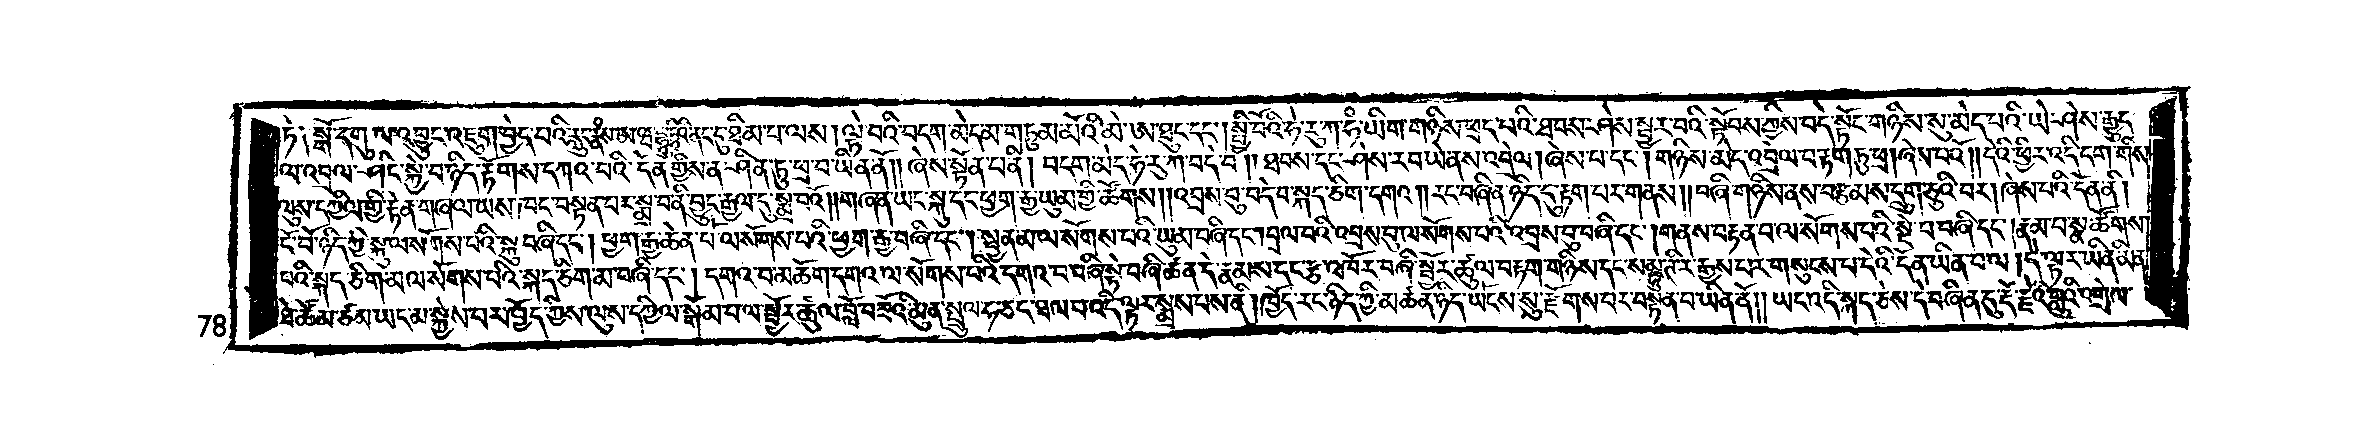ཏེ༑ སྒོ་དགུ་ལ་འབྱུང་འཇུག་བྱེད་པའི་རླུང་རྣམས་ཨ་ཝ་དྷཱུ་ཏཱིའི་ནང་དུ་ཐིམ་པ་ལས། ལྟེ་བའི་བདག་མེད་མ་གཏུམ་མོའི་མེ་ཨ་ཐུང་དང་། སྤྱི་བོའི་ཧེ་རུ་ཀ་ཧཾ་ཡིག་གཉིས་ཕྲད་པའི་ཐབས་ཤེས་སྦྱར་བའི་སྟོབས་ཀྱིས་བདེ་སྟོང་གཉིས་སུ་མེད་པའི་ཡེ་ཤེས་རྒྱུད་
ལ་འབྲལ་ཤིང་སྐྱེ་བ་ཉིད་རྟོགས་དཀའ་བའི་དོན་གྱིས་ན་ཤིན་ཏུ་ཕྲ་བ་ཡིན་ནོ། །ཞེས་སྟོན་པ་ནི། བདག་མེད་ཧེ་རུ་ཀ་བདེ་བ། །ཐབས་དང་ཤེས་རབ་ཡེ་ནས་འབྲེལ། ཞེས་པ་དང་། གཉིས་མེད་འབྲེལ་བ་རྟག་ཏུ་ཕྲ། ཞེས་པའོ། །དེའི་ཕྱིར་འདི་དག་གིས་
ལུས་དཀྱིལ་གྱི་རྟེན་གཞལ་ཡས་ཁང་བསྟན་པར་སྨྲ་བ་ནི་བྱུང་རྒྱལ་དུ་སྨྲ་བའོ། །གཞན་ཡང་སྐུ་དང་ཕྱག་རྒྱ་ཡུམ་གྱི་ཚོགས། །འབྲས་བུ་བདེ་བ་སྐད་ཅིག་དགའ། །རང་བཞིན་ཉིད་དུ་རྟག་པར་གནས། །བཞི་གཉིས་ནས་བརྩམས་དྲུག་ཅུའི་བར། ཞེས་པའི་དོན་ནི།
ངོ་བོ་ཉིད་ཀྱི་སྐུ་ལ་སོགས་པའི་སྐུ་བཞི་དང་། ཕྱག་རྒྱ་ཆེན་པོ་ལ་སོགས་པའི་ཕྱག་རྒྱ་བཞི་དང་། སྤྱན་མ་ལ་སོགས་པའི་ཡུམ་བཞི་དང་། གནས་བརྟན་པ་ལ་སོགས་པའི་སྡེ་པ་བཞི་དང་། རྣམ་པ་སྣ་ཚོགས་
པའི་སྐད་ཅིག་མ་ལ་སོགས་པའི་སྐད་ཅིག་མ་བཞི་དང་། དགའ་བ་མཆོག་དགའ་ལ་སོགས་པའི་དགའ་བ་བཞི་སྟེ་བཞི་ཚན་དེ་རྣམས་དང་རྩ་འཁོར་བཞི་སྦྱོར་ཚུལ་བརྟག་གཉིས་དང་སམྡྷའུ་ཊིར་རྒྱས་པར་གསུངས་པ་དེའི་དོན་ཡིན་པ་ལ། དེ་ལྟར་ཡིན་མིན་
ཐེ་ཚོམ་ཙམ་ཡང་མ་སྐྱེས་པར་ཁྱོད་ཀྱིས་ལུས་དཀྱིལ་སྒོམ་པ་ལ་སྦྱོར་ཚུལ་བློ་བཟོའི་མུན་སྤྲུལ་ཧ་ཅང་ཐལ་བ་འདི་ལྟར་སྨྲས་པས་ནི། ཁྱོད་རང་ཉིད་ཀྱི་མཚན་ཉིད་ཡོངས་སུ་རྫོགས་པར་བསྟན་པ་ཡིན་ནོ། །ཡང་འདི་སྐད་ཅེས་དེ་བཞིན་དུ་རྡོ་རྗེའི་གླུའི་འགྲེལ་